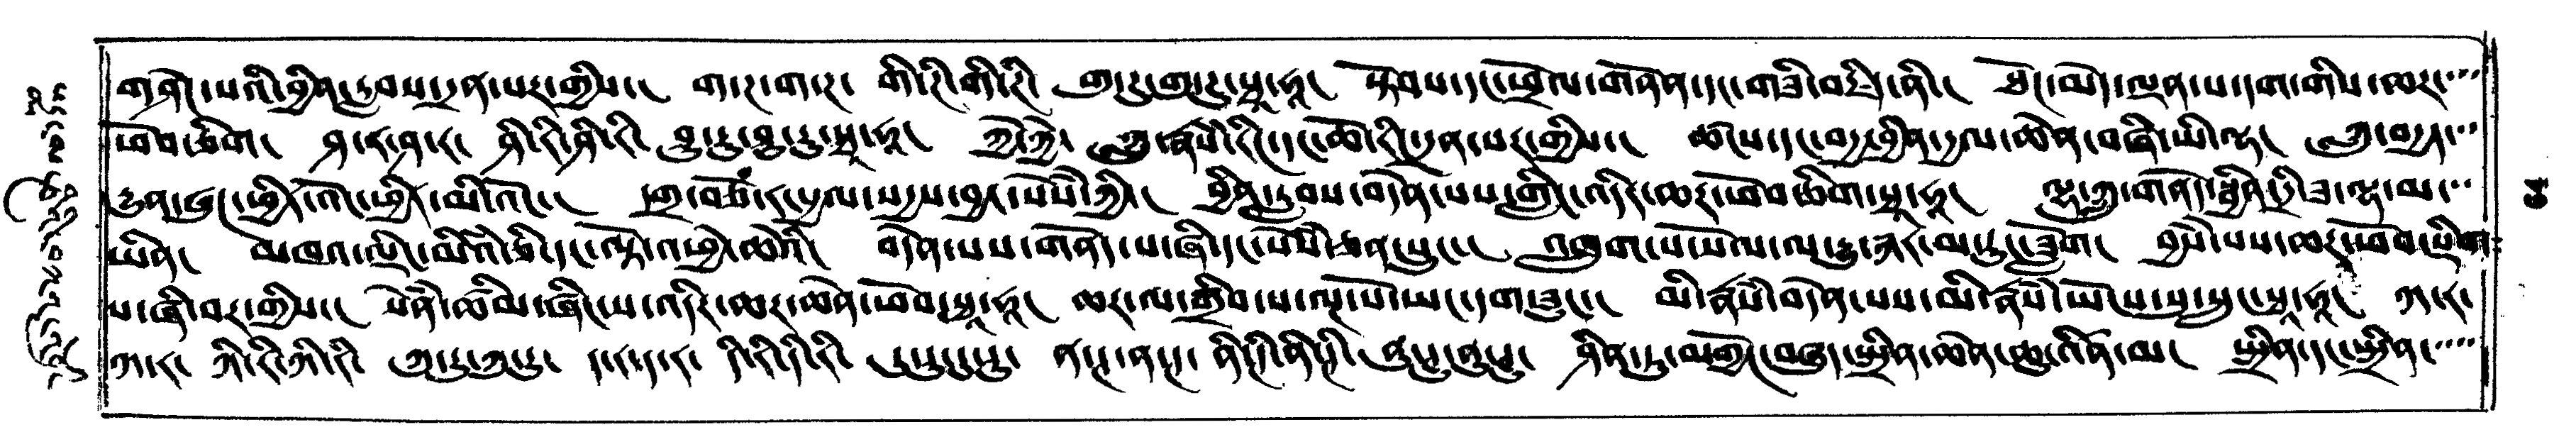གཤེགས་པའི་བྱིན་བརླབས་དྲན་པར་གྱིས། ག་ཊ་ག་ཊ། གུ་ཊུ་གུ་ཊུ་སྭ་ཧ། སྟོབས་དང་ཕ་རོལ་གནོན་དང་གཟི་བརྗིད་ནི། །ཐོགས་མེད་ལྡན་པ་དག་གིས་ཆར་
ཕོབ་ཅིག །ཤ་ར་ཤ་ར་། ཤི་རི་ཤི་རི། ཤུ་རུ་ཤུ་རུ་སྭ་ཧཱ། ཀྱེ་ཀྱེ། ཀླུ་རྣམས་རིགས་དང་ཆོ་རིགས་དྲན་པར་གྱིས། །ཚངས་དང་བརྒྱ་བྱིན་རྒྱལ་ཆེན་བཞི་ཡི་ལྷ། །ཀླུ་བརྒྱད་
རྒྱུན་ཞུགས་ཕྱིར་འོང་ཕྱིར་མི་འོང་། དགྲ་བཅོམ་རང་རྒྱལ་སངས་རྒྱས་བྱང་སེམས་ཀྱི། །བྱིན་རླབས་བདེན་པས་གླིང་འདིར་ཆར་ཕོབ་ཅིག་སྭ་ཧཱ། །ལྷ་ཀླུ་གནོད་སྦྱིན་དྲི་ཟ་ལྷ་མ་
ཡིན། །མཁའ་ལྡིང་མིའམ་ཅི་དང་ལྟོ་འཕྱེ་ཆེའི། །བདེན་པས་གནོད་པ་ཞི་དང་སེམས་ཅན་སྲུང་། །འཁྲུག་པ་སོལ་ལ་རྒྱུ་སྐར་མ་རུང་ཟློག།བྱམས་པས་ཆར་ཕོབ་སྡིག་
པ་ཞི་བར་གྱིས། །སེམས་ཅན་ཚིམ་ཞིང་ས་འདིར་ཆར་ཆེན་ཕོབ། སྭ་ཧཱ། །ཆར་ལ་སྒྲིབ་པ་ལྔ་པོ་ཡང་དག་ཟུང་། །མི་རྣམས་བདེན་པས་མི་རྣམས་ཡོངས་སུ་སྲུངས་སྭ་ཧཱ། ཀ་ར་
ཀ་ར་། ཀི་རི་ཀི་རི། ཀུ་རུ་ཀུ་རུ། ད་ར་ད་ར། དི་རི་དི་རི། དུ་རུ་དུ་རུ། ན་ཊ་ན་ཊ། ནི་ཊི་ནི་ཊི། ནུ་ཊུ་ནུ་ཊུ། ཤིན་ཏུ་མགྱོགས་བཞུགས་སྤྲིན་ཆེན་ཆུ་འཛིན་མ། །སྤྲིན་དང་སྤྲིན་